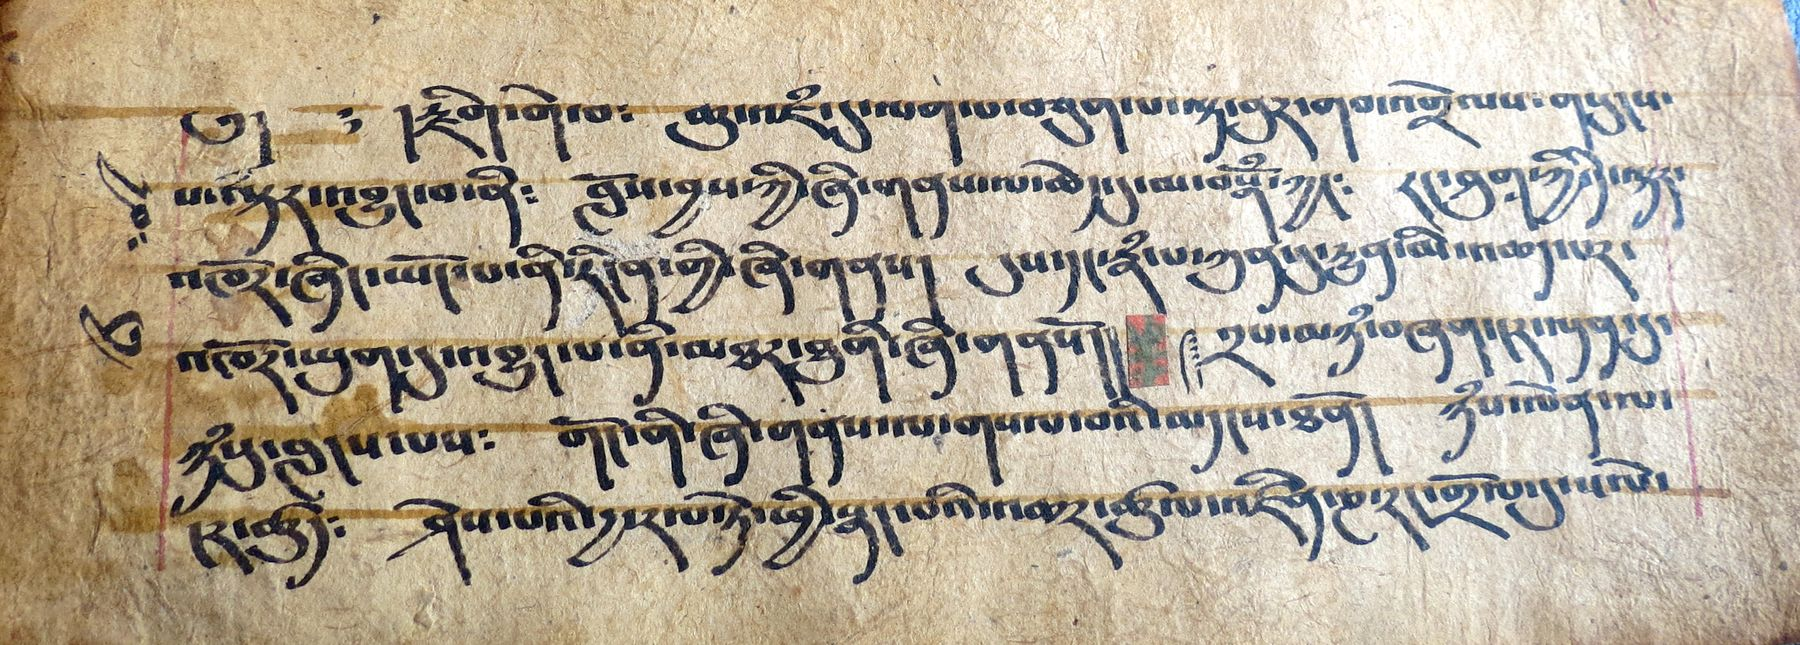ལྗིག་གེ་བ། ཆུ་འཇམ་དུ་ལག་པ་བཅུག་པ་ལྟ་བུར་གབ་འགྲེལ་ལས་གསུངས་
པ་ལྟར་འབྱུང་བ་ནི། བློས་བྱས་ཀྱི་ཞི་གནས་ལ་ཆེད་དུ་མ་བསྒོམས་ཀྱང་། རང་ཤུགས་ཀྱིས་དེ་ལྟར་
འཁོར་ཞིང་འོང་བ་ནི་རང་བཞིན་གྱི་ཞི་གནས། དུས་དང་རྣམ་པ་ཀུན་ཏུ་རྒྱུན་མི་འཆད་པར་
ཁོར་ཡུག་ཏུ་འབྱུང་བ་ནི་མཐར་ཐུག་གི་གཞི་གནས་སོ། ། གཉིས་པ་མཉམ་བཞག་ངར་ལྡན་
ཉམས་སུ་བླངས་པ་ལ། གོང་གི་ཞི་གནས་ལ་གསལ་བའི་མདངས་ཐོན། ཉམས་ལེན་ལ་
ངར་ཚུད། ཤེས་པའི་རྒྱ་རལ་ཏེ། ཕྱི་སྣང་བའི་འཆར་ཚུལ་འཛིན་མེད་རང་གྲོལ་དུ་སལེ་